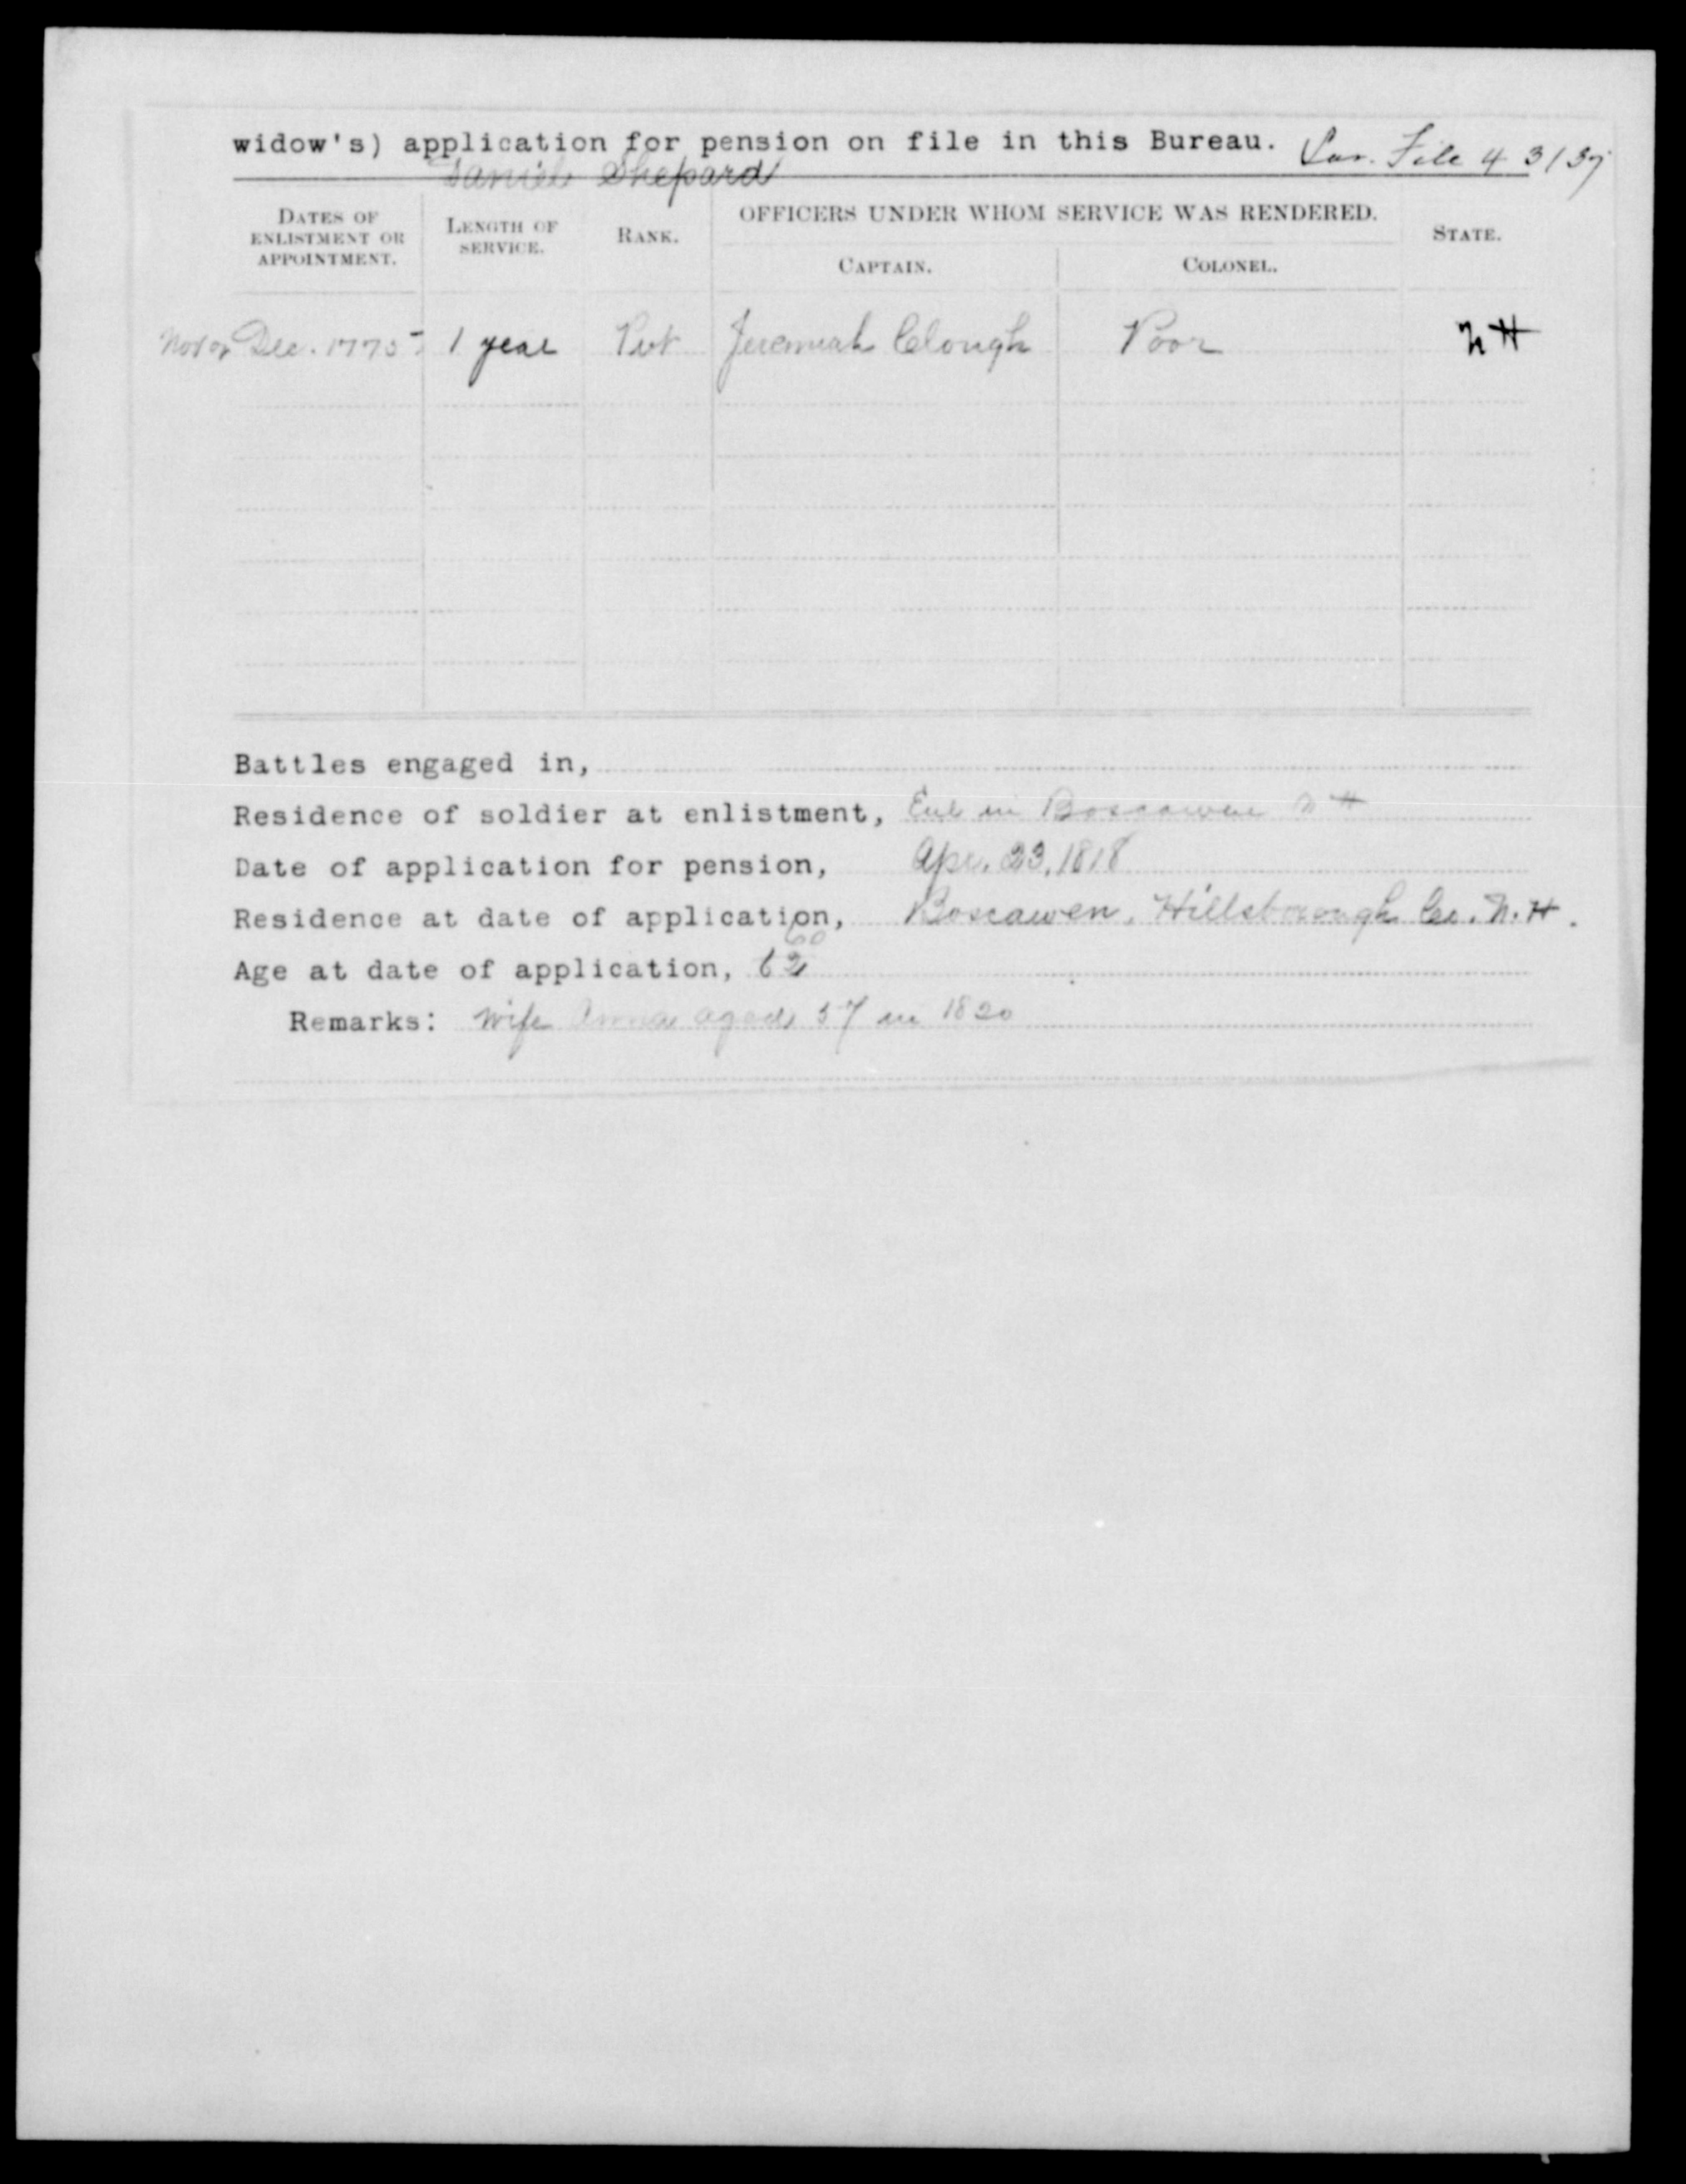widow's) application for pension on file in this Bureau. See file 4 3137 Daniel Shepard
[Chart]


DATES OF ENLISTMENT OR
APPOINTMENT.
Nov or Dec. 1770

LENGTH OF
SERVIE.
1 year

RANK.
Pvt

OFFICERS UNDER WHOM SERVICE WAS RENDERED.
CAPTAIN.
Jeremiah Clough
COLONEL.
Poor

STATE.
NH

Battles engaged in,
Residence of soldier at enlistment,
ent in Boscawen Vt
Date of application for pension,
Apr. 23, 1818
Residence at date of application, Boscawen, Hillsborough Co. N.H.
Age at date of application, 60
Remarks: wife Ann aged 57 in 1820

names: Daniel Shepard; Jeremiah Clough; Anna [BLANK]; [BLANK] Poor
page: 11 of 25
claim: survivor's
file: S. 43137, for Daniel Shepard, New Hampshire